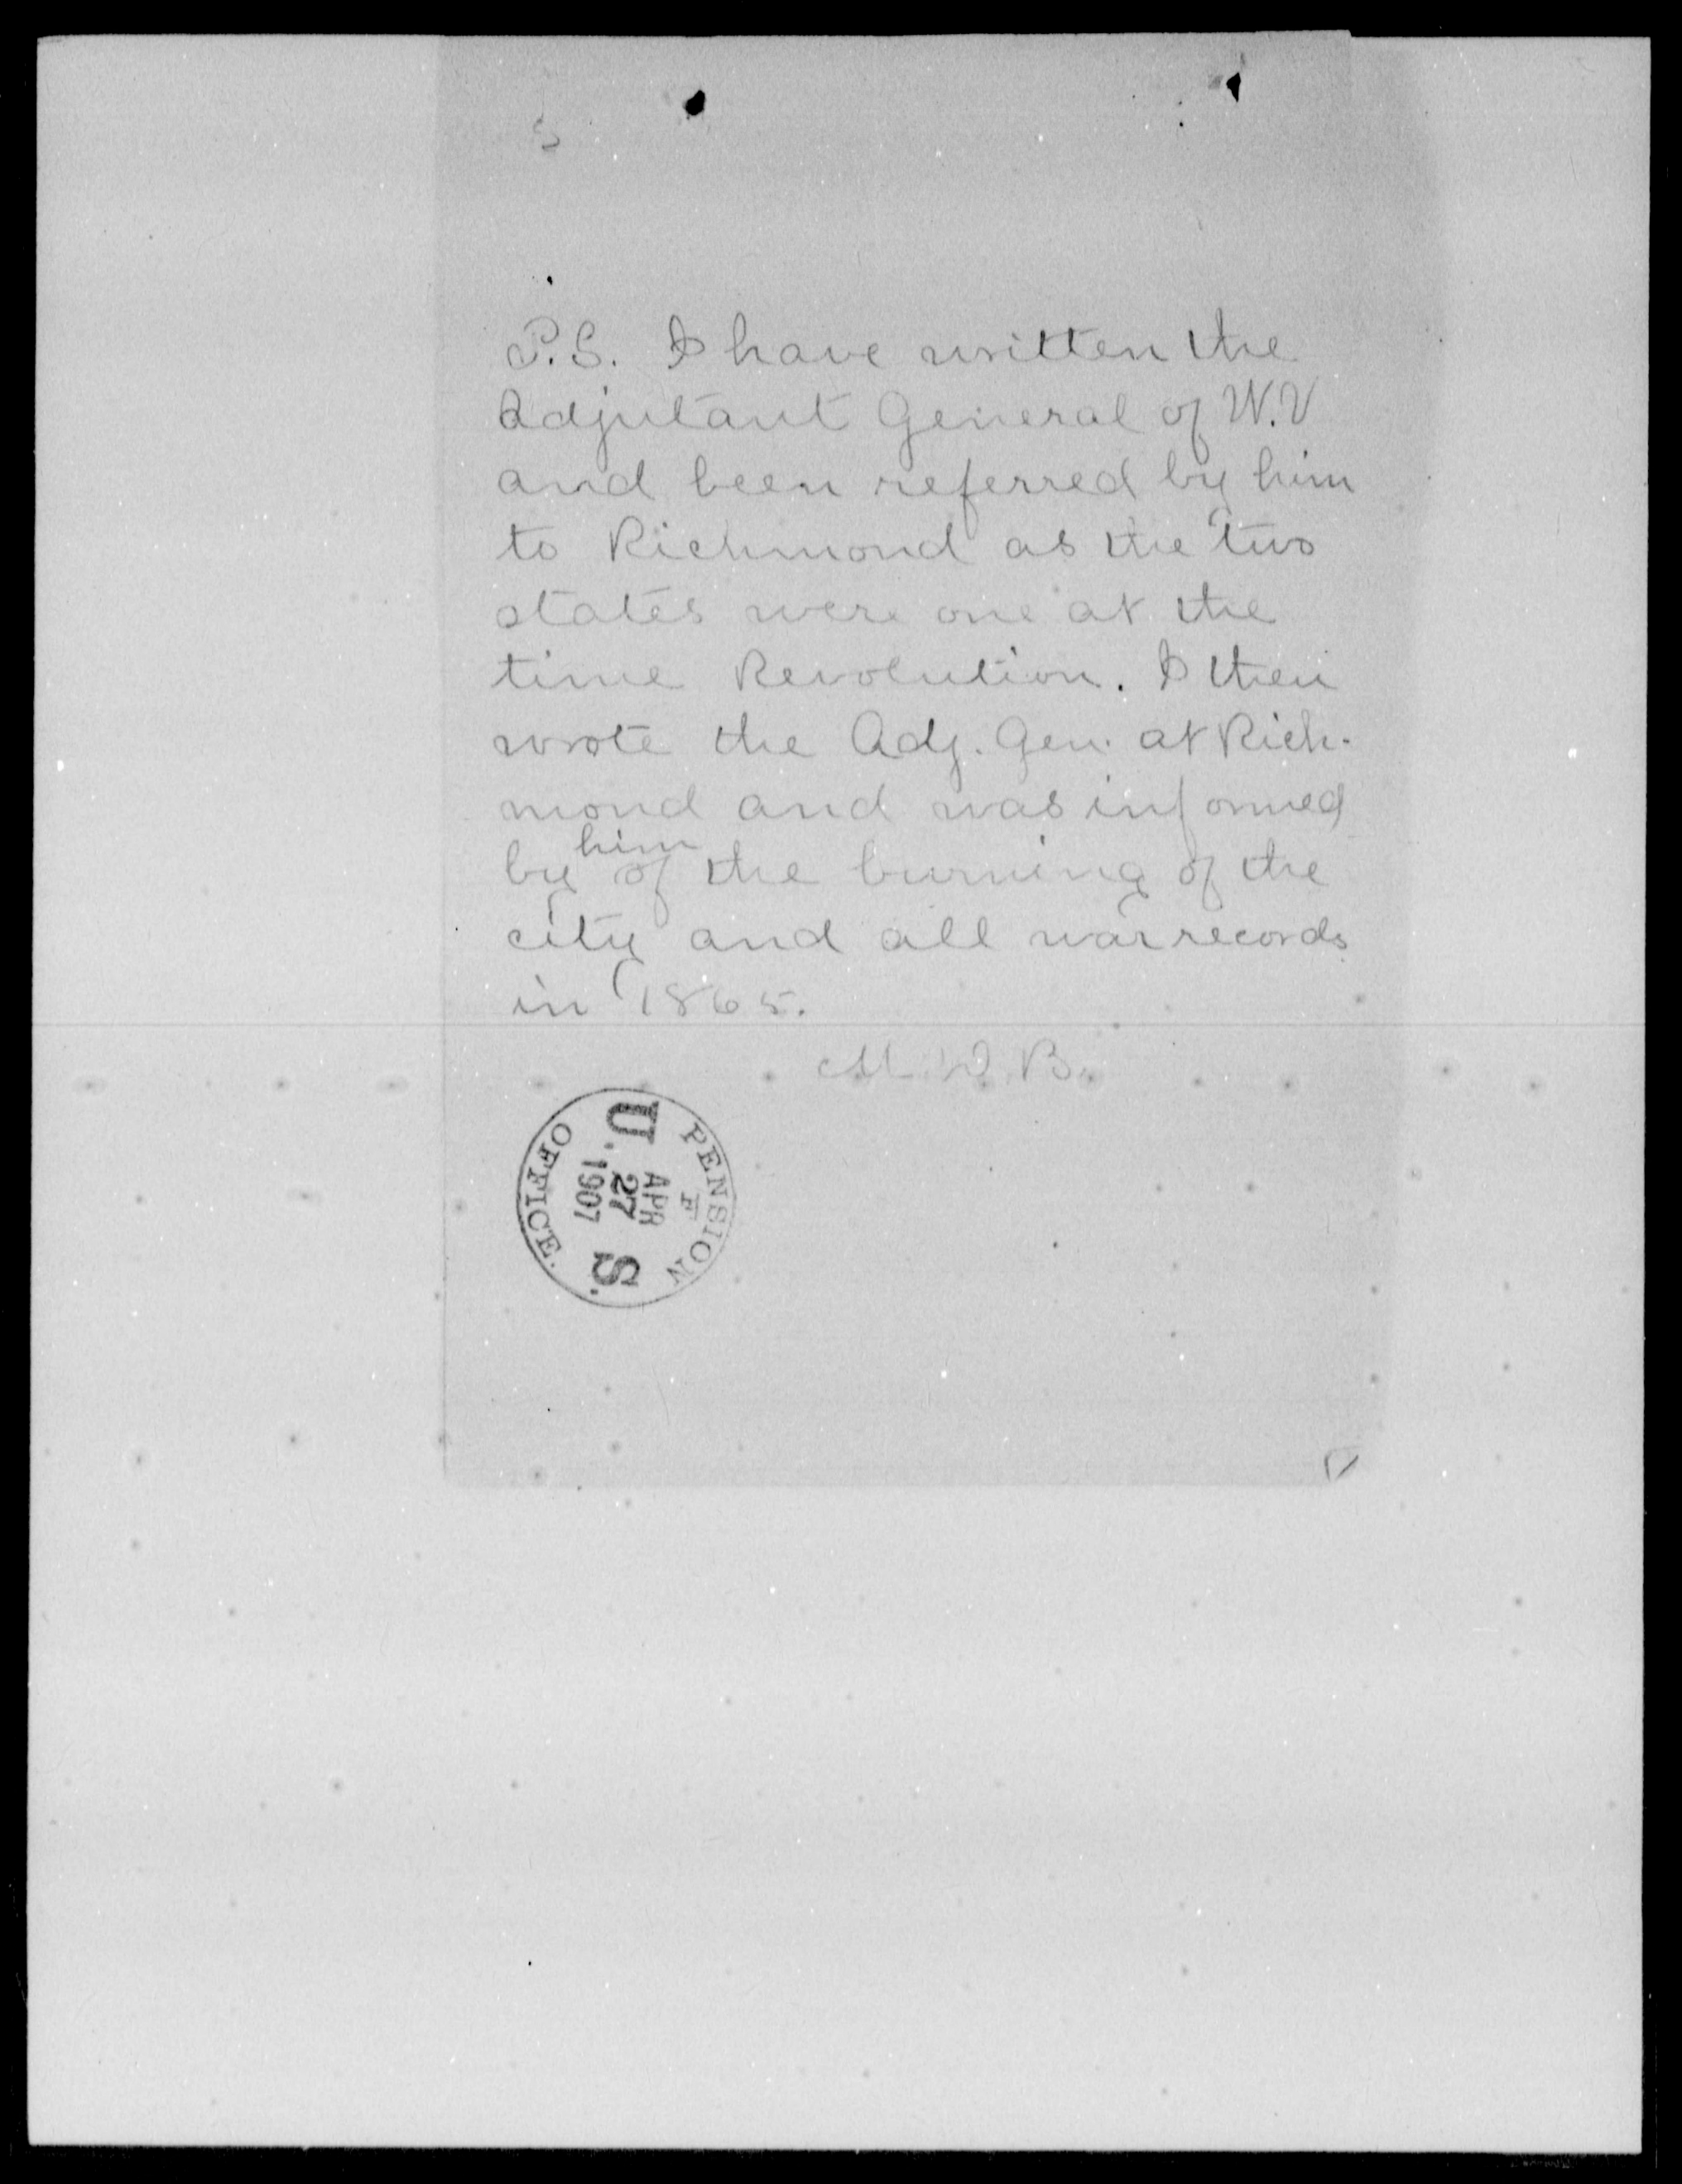P.S. I have written the adjutant General of W.V. and been referred by him to Richmond as the two states were one at the time Revolution. Either wrote the Adj. Hen. and Richmond and was informed by him of the burring of the city and all war records in 1865.
M.W.B.

[stamped]
PENSION OFFICE
US
APR
27 1907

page: 23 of 84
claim: widow's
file: W.11104, for John Remay, Virginia